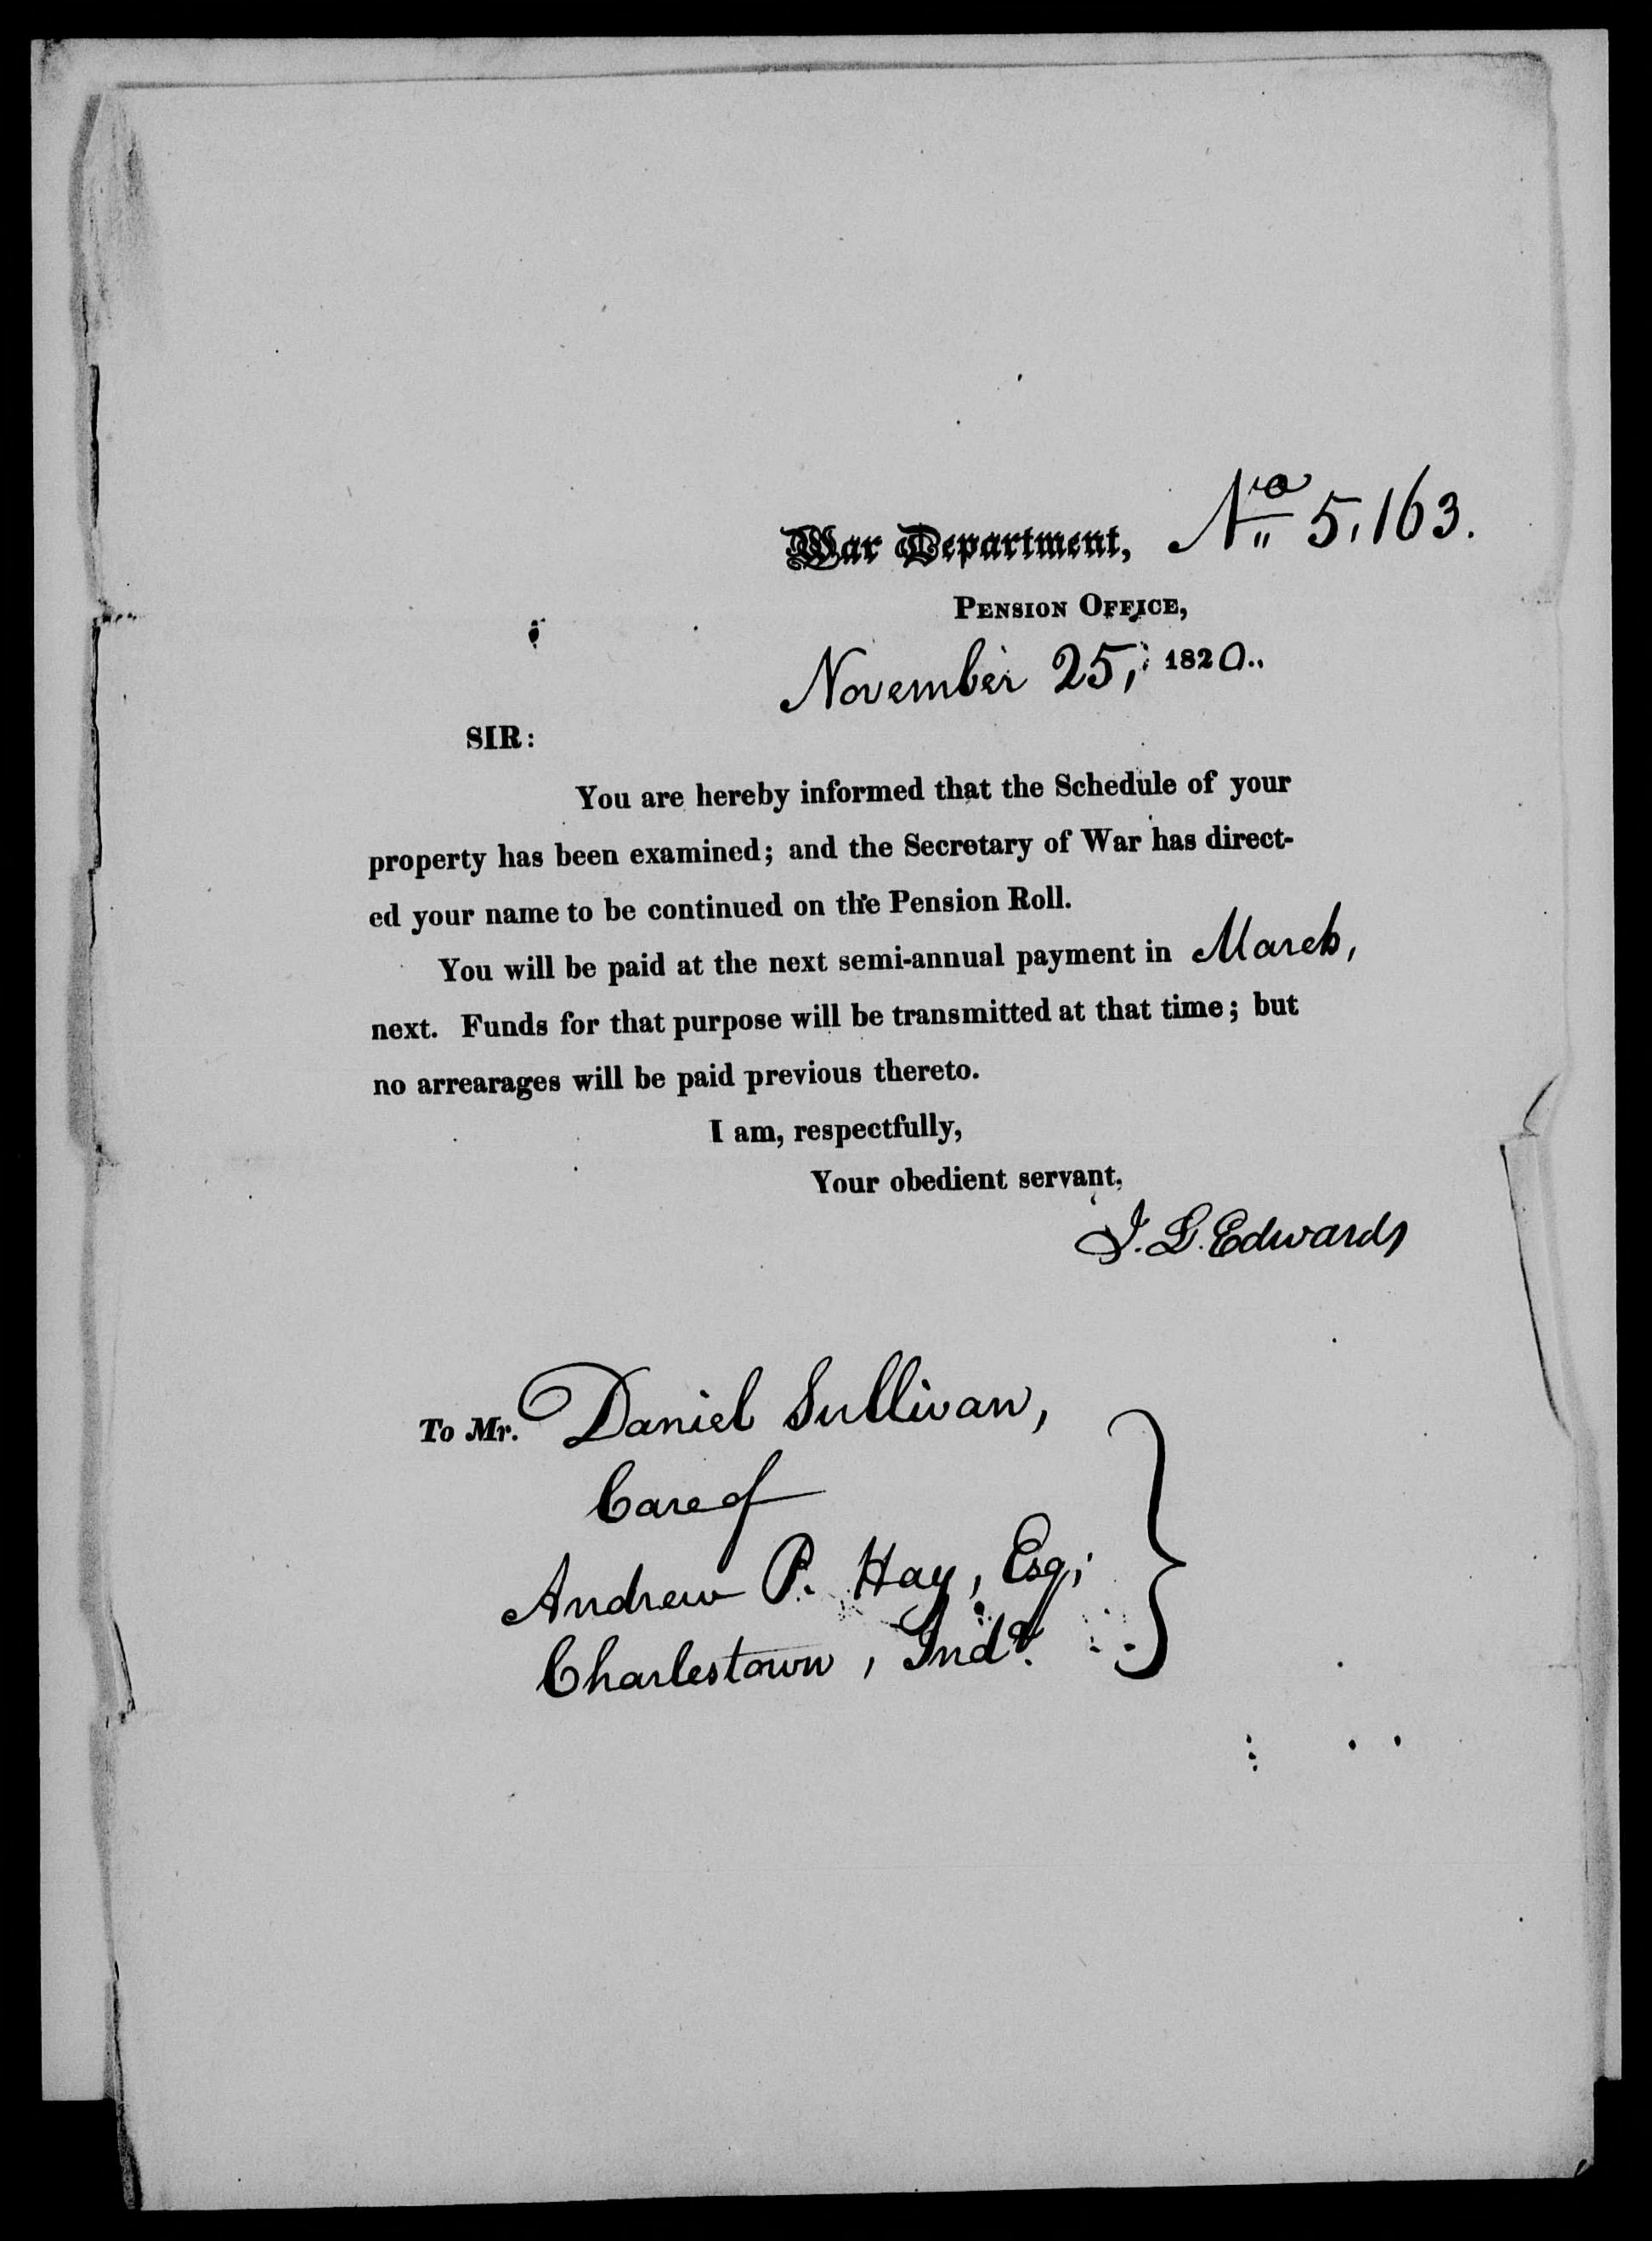[printed form, blanks filled by hand] 

War Department No. 5,163
Pension Office
November 25, 1820

Sir

You are hereby informed that the schedule of your property has been examined; and the Secretary of War has directed your name to be continued on the Pension Roll.
You will be paid at the next semi-annual payment in March next. Funds for that purpose will be transmitted at that time; but no arrearages will be paid precious thereto.

I am respectfully
Your obedient servant

[signed] J. L. Edwards

To Mr. Daniel Sullivan
Care of
Andrew P Hay Esq.
Charlestown, Ind'a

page: 64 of 78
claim: widow's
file: W. 25,169, for Daniel Sullivan, Maryland